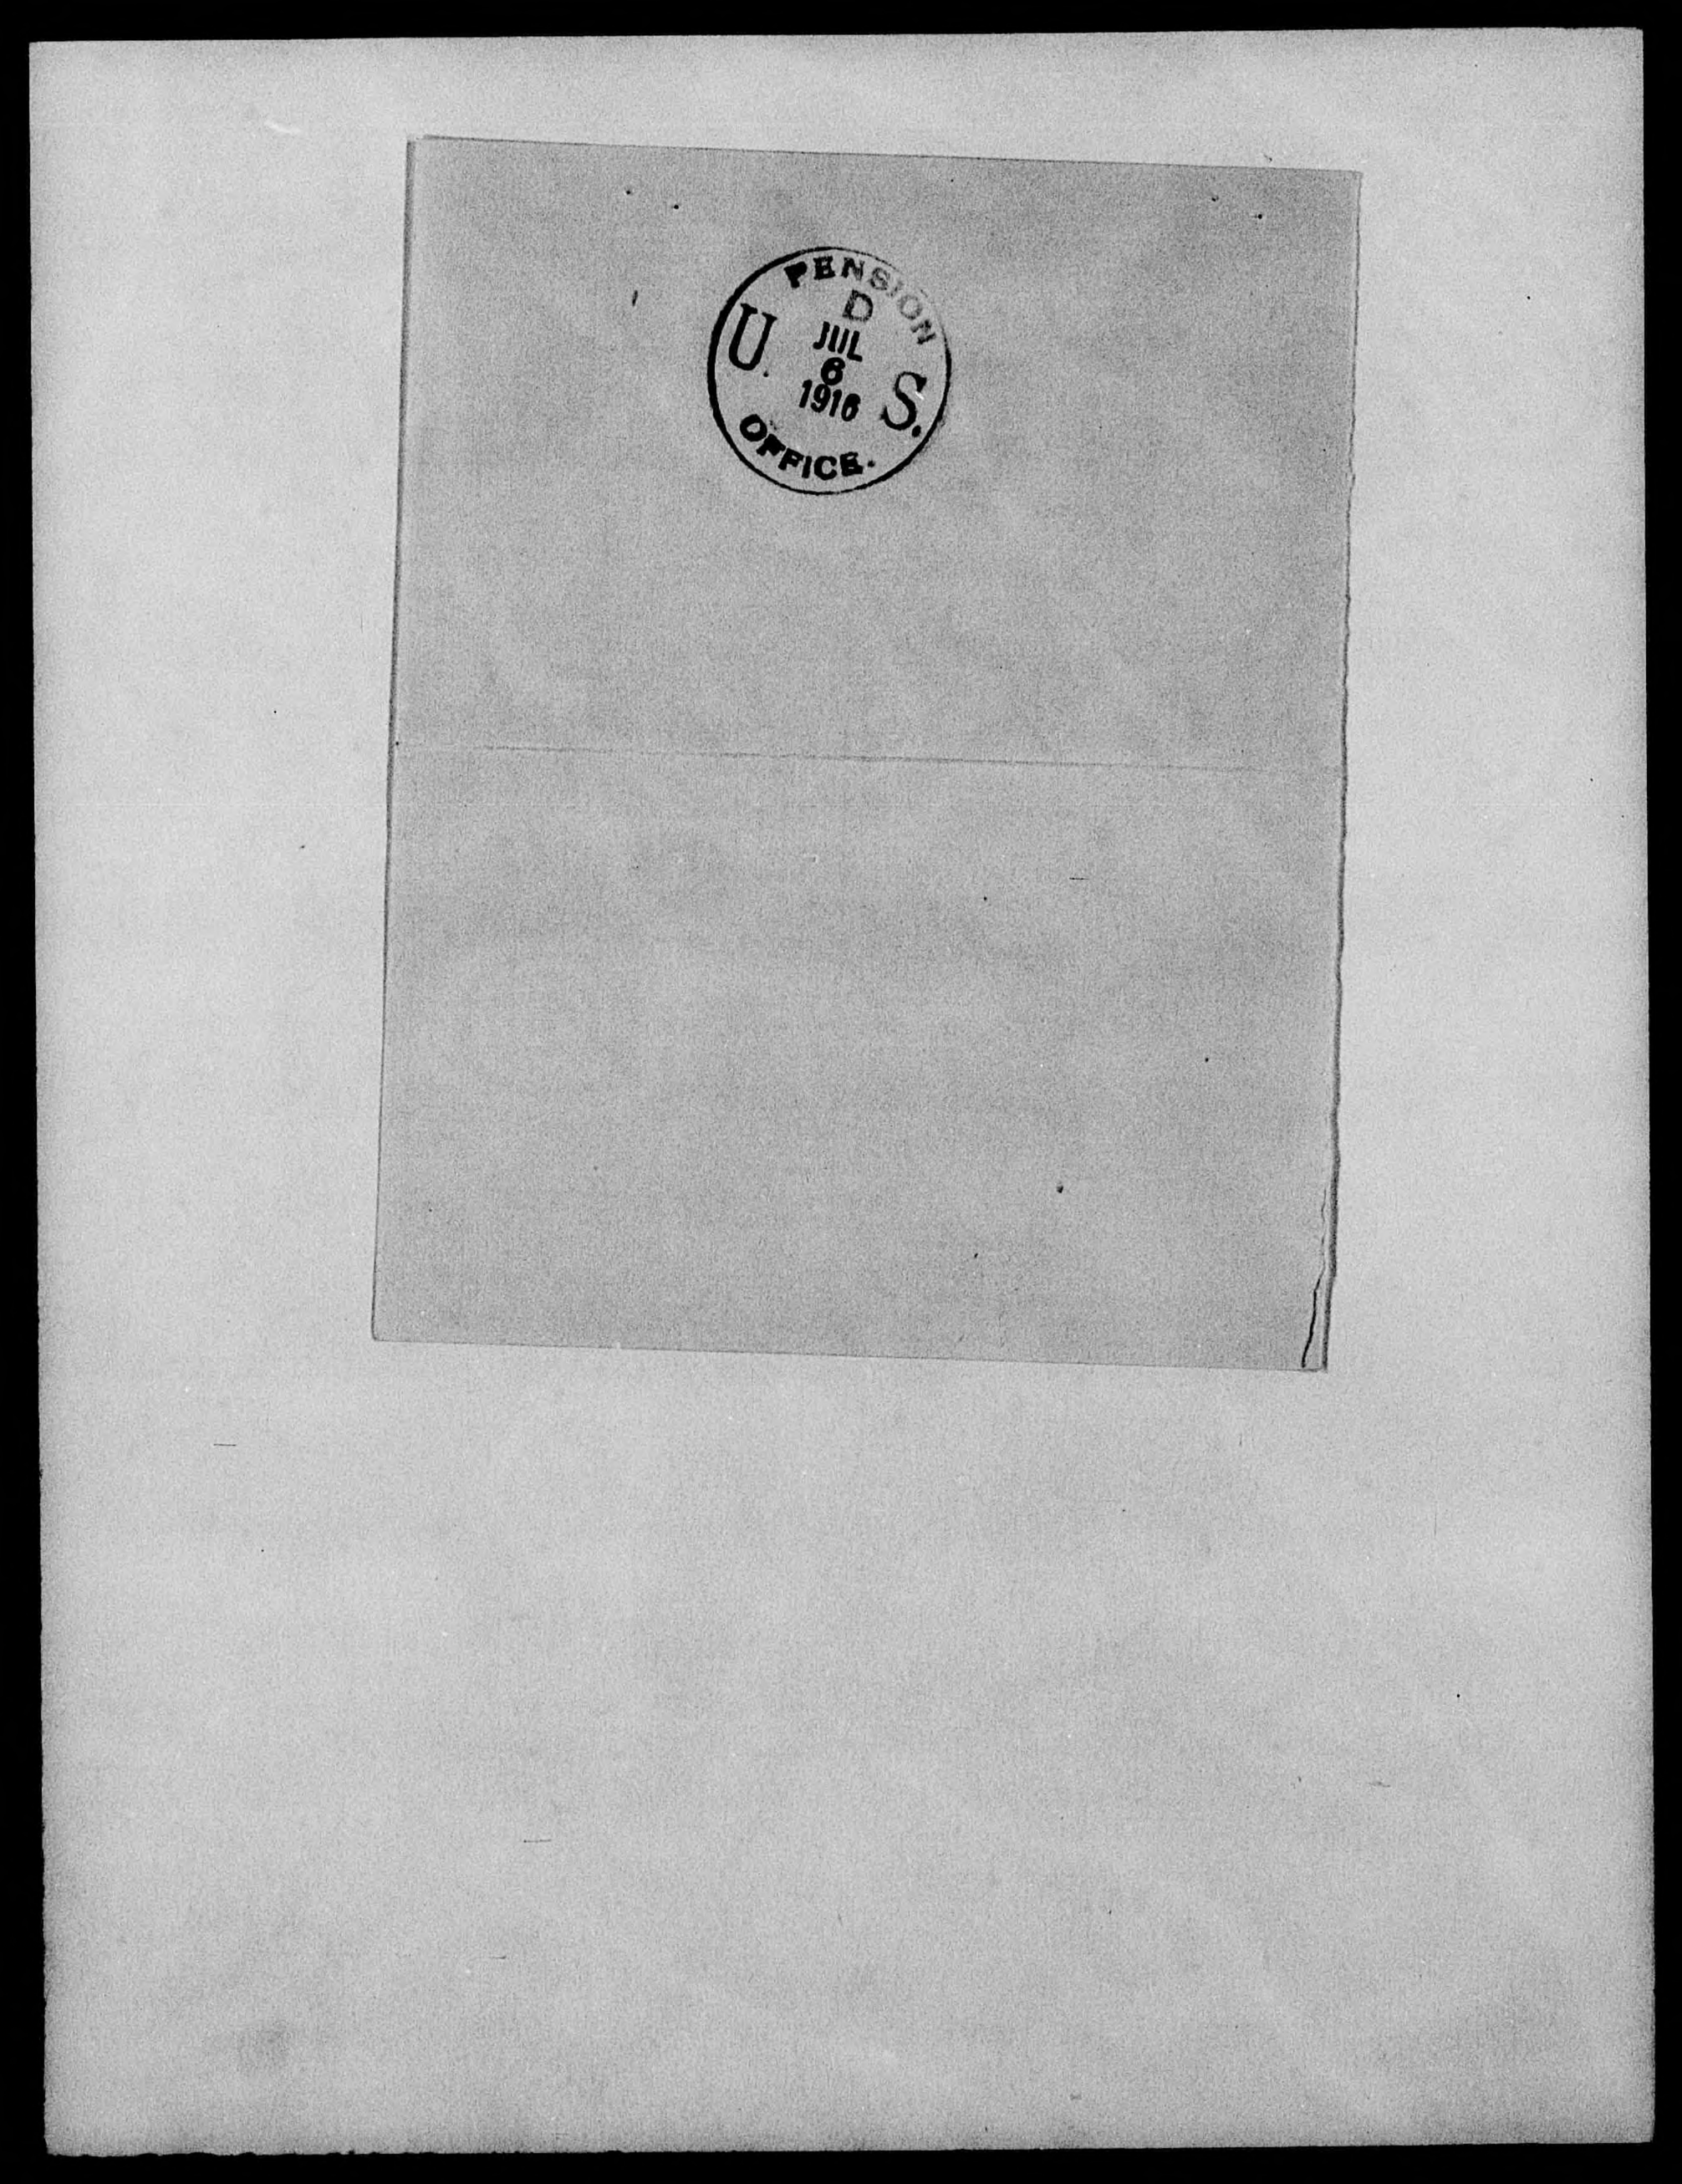[Round black ink stamp]
PENSION D
U.S. OFFICE
JUL 6 1916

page: 17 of 30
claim: survivor's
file: S. 31753, John Holman, Va.